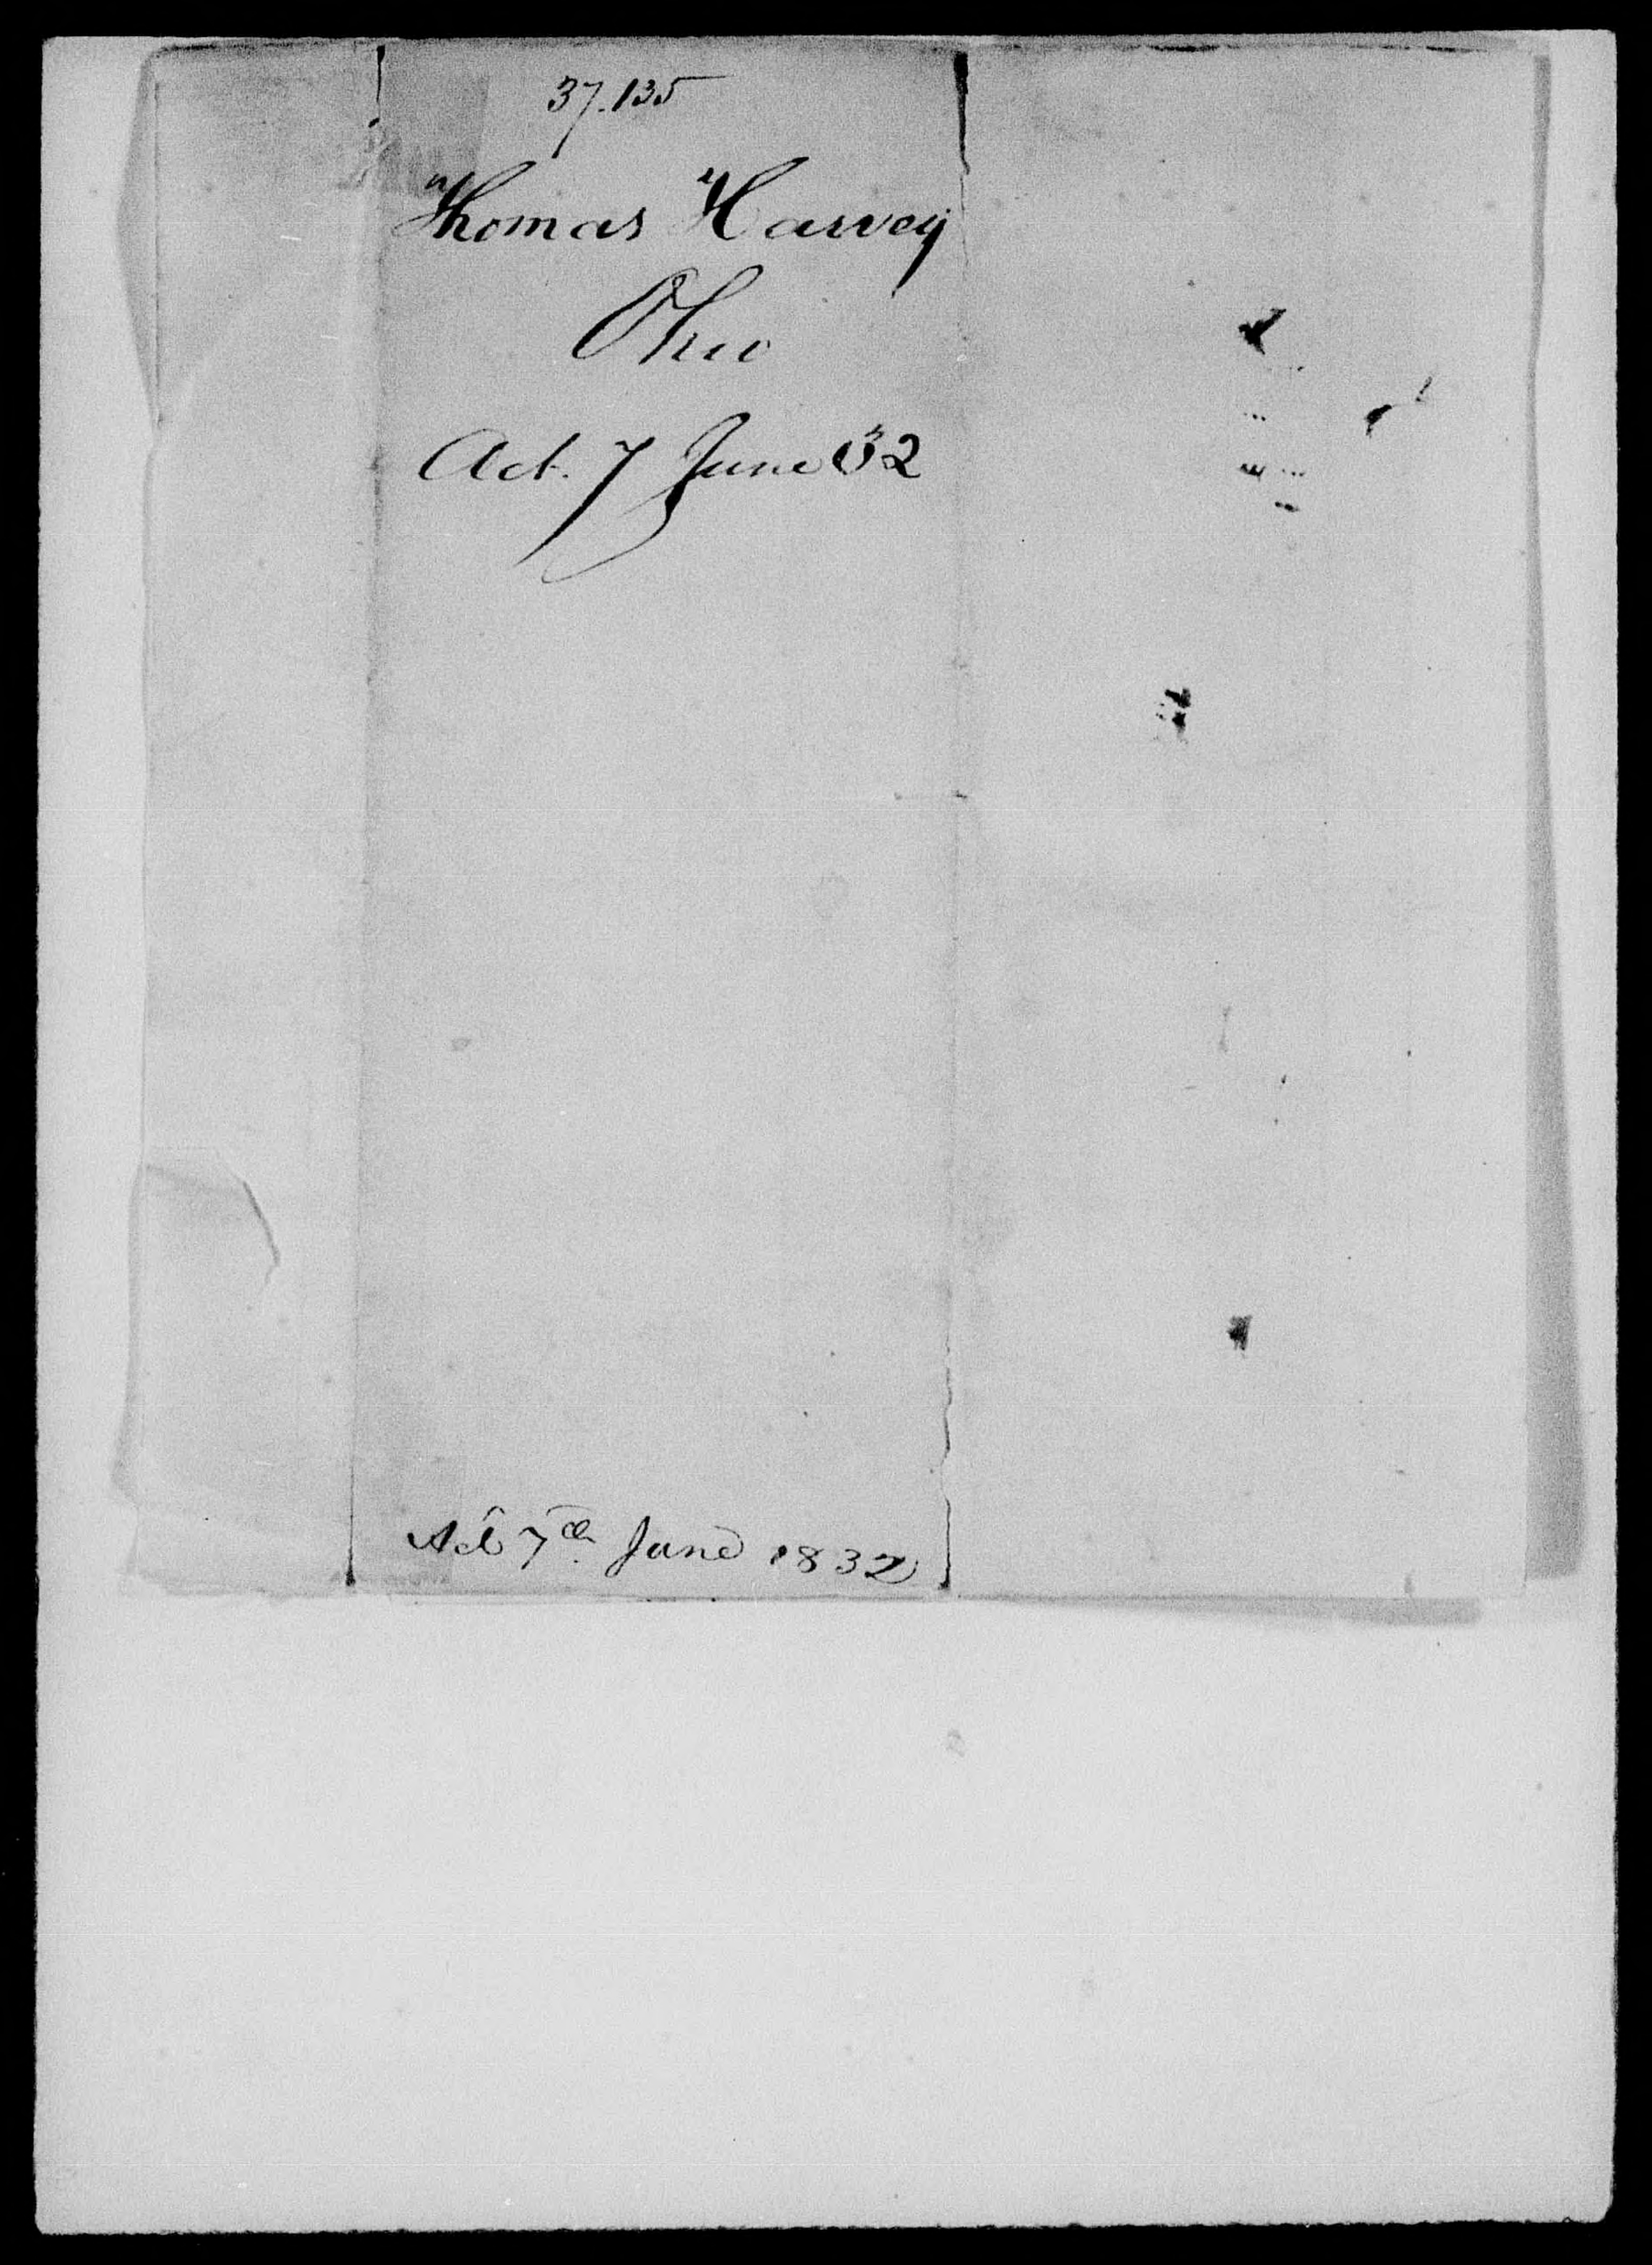37.135
Thomas Harvey
Ohio
Act. 7 June 32
Act 7th June 1832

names: Thomas Harvey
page: 5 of 80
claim: survivor's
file: S. 18008, Thomas Harvey, N.H.